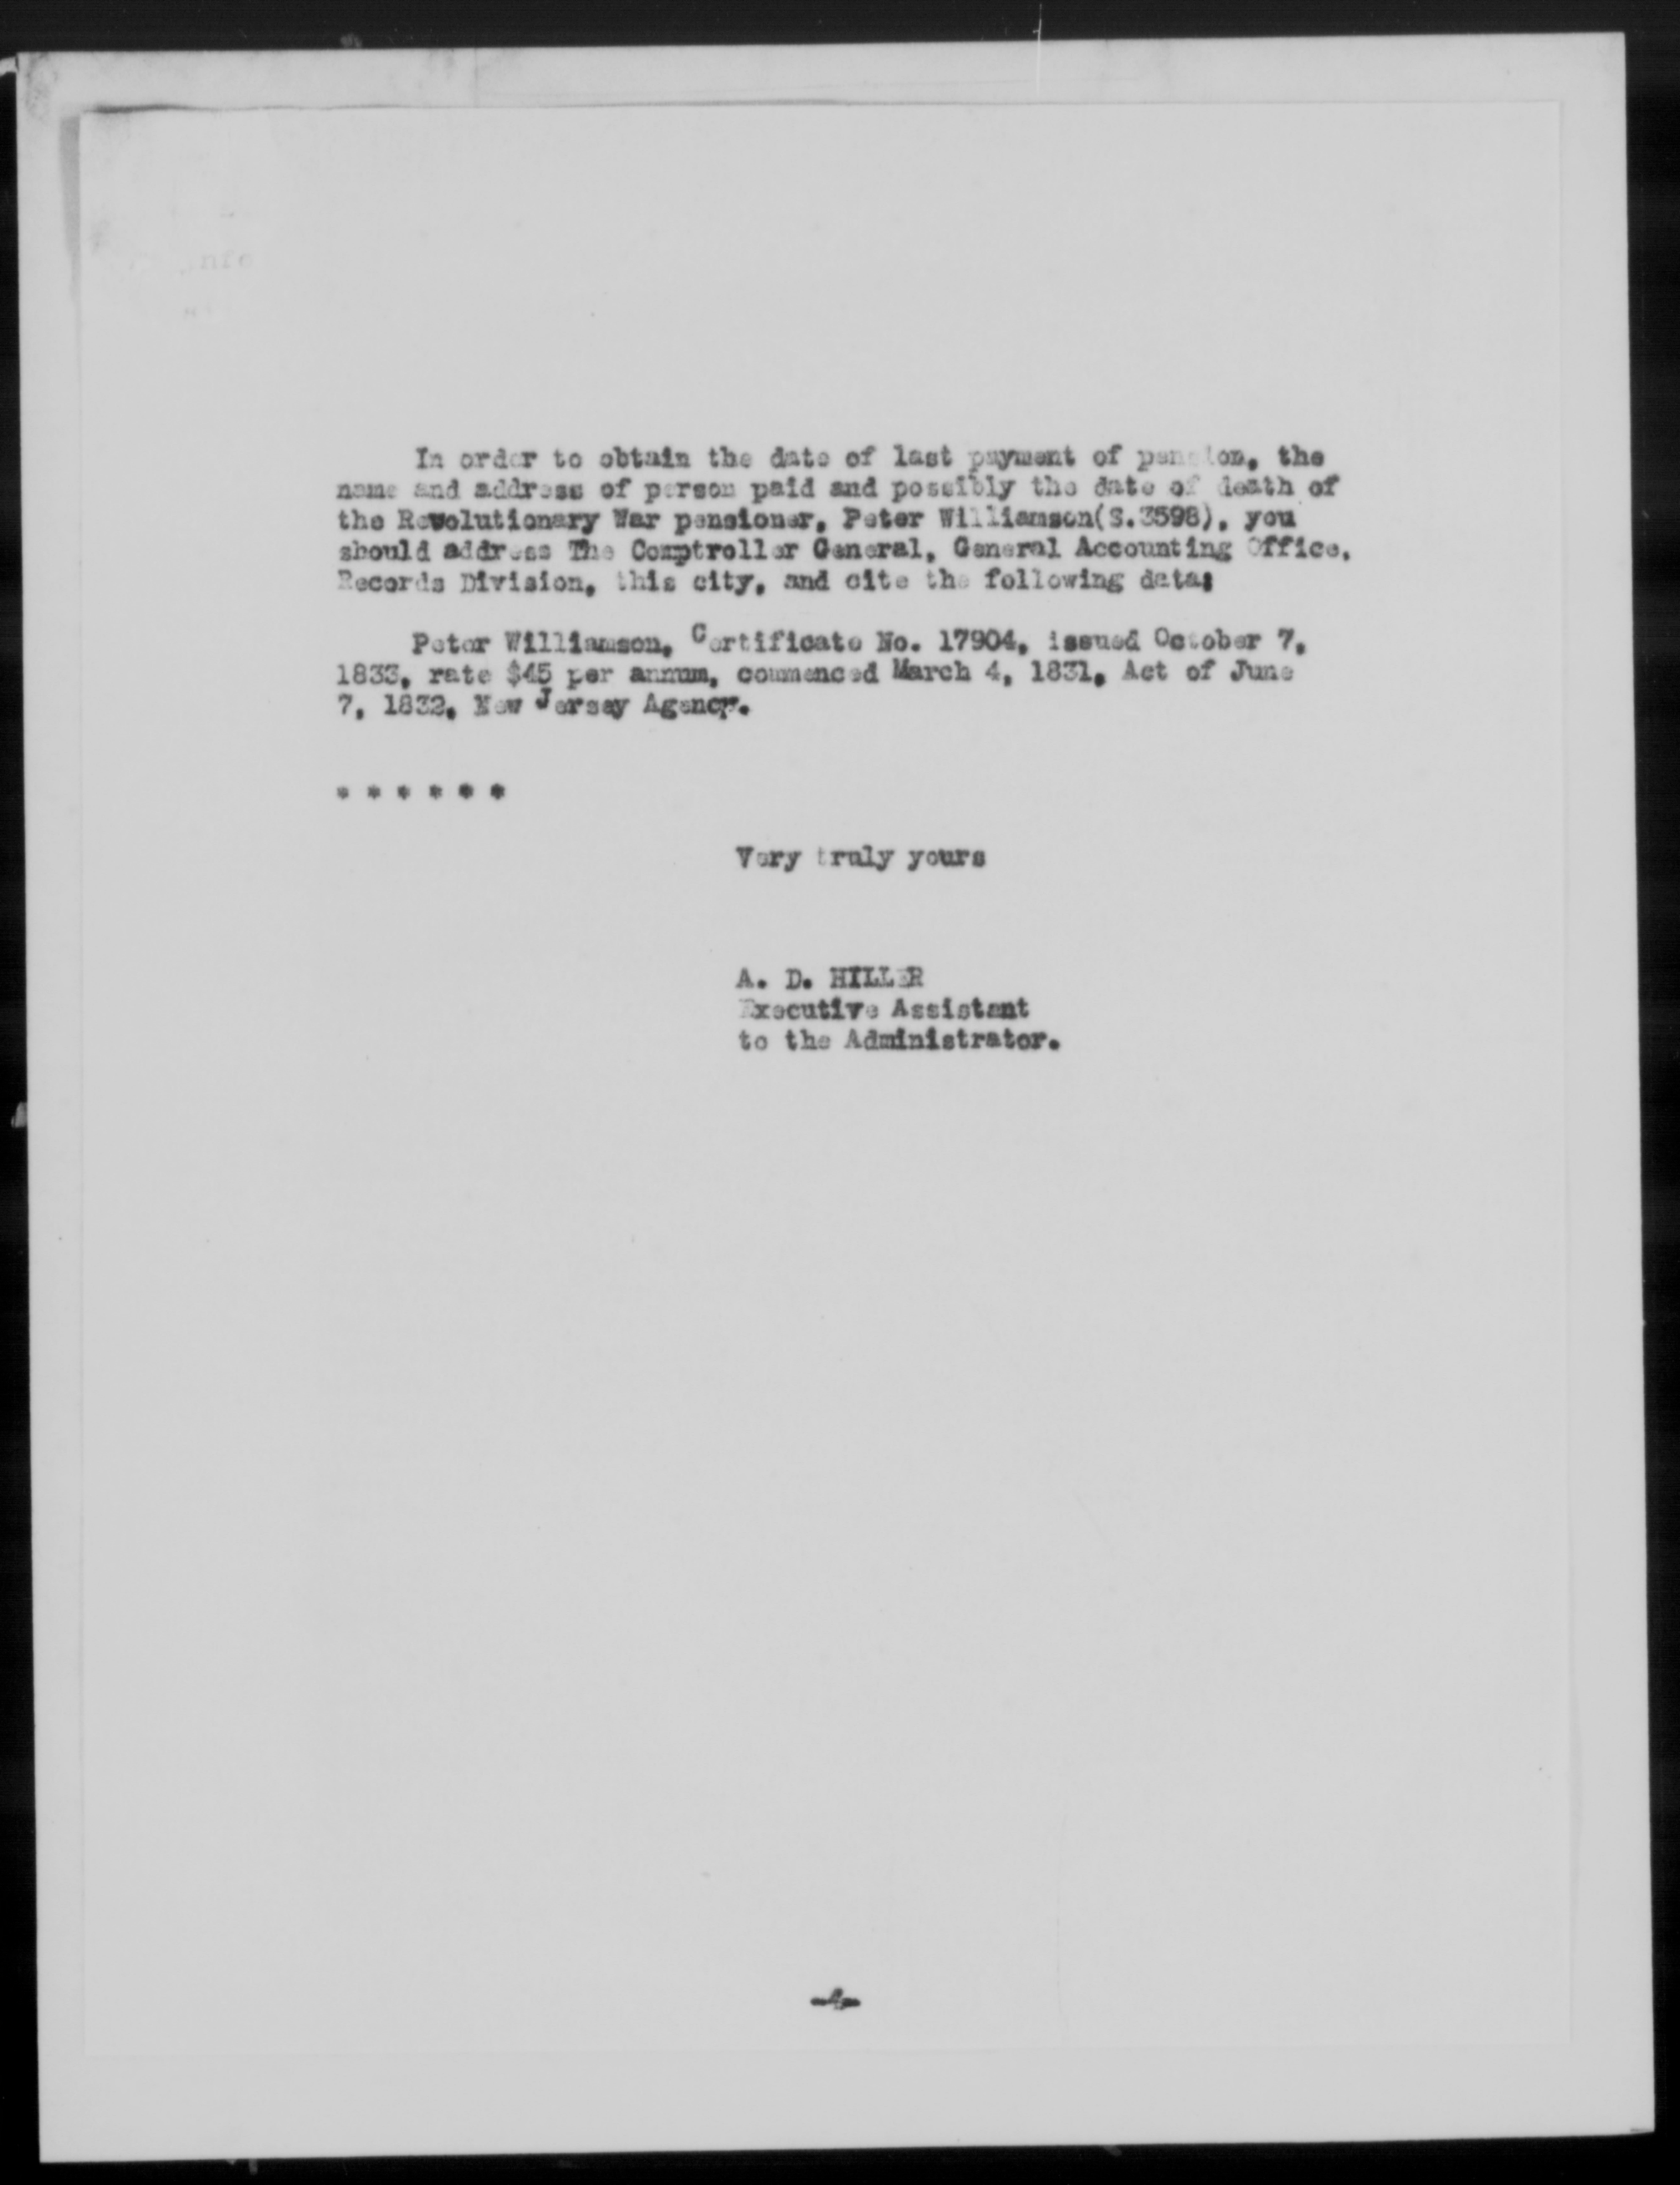...In order to obtain the date of last payment of pension, the name and address of person paid and possibly the date of death of the Revolutionary War pensioner, Peter Williamson (S.3598), you should address The Comptroller General, General Accounting Office, Records Division, this city, and cite the following data:

Peter Williamson, Certificate No. 17904, issued October 7, 1833, rate $45 per annum, commenced March 4, 1831, Act of June 7, 1832, New Jersey Agency.

Very truly yours

A.D. HILLER
Executive Assistant to the Administrator.

- 4 -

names: Peter Williamson, A D Hiller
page: 26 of 67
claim: widow's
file: W. 2393, Jacob Williamson, New Jersey